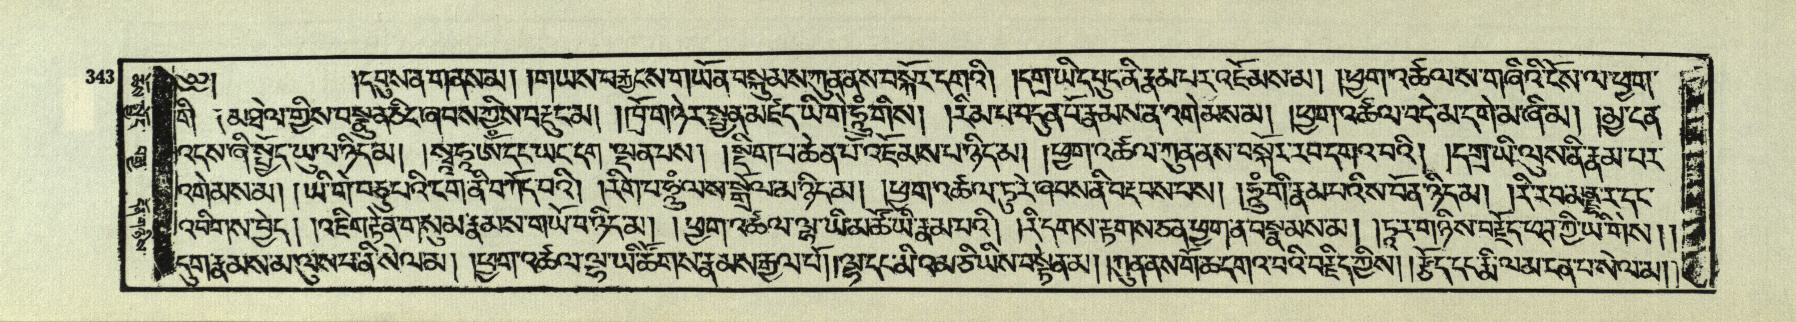༄༅། །དབུས་ན་གནས་མ། །གཡས་བརྐྱངས་གཡོན་བསྐུམས་ཀུན་ནས་བསྐོར་དགའི། །དགྲ་ཡི་དཔུང་ནི་རྣམ་པར་འཇོམས་མ། །ཕྱག་འཚལ་ས་གཞིའི་ངོས་ལ་ཕྱག་
གི ༑མཐེལ་གྱིས་བསྣུན་ཅིང་ཞབས་ཀྱིས་བརྡུང་མ། །ཁྲོ་གཉེར་སྤྱན་མཛད་ཡི་གེ་ཧཱུཾ་གིས། །རིམ་པ་བདུན་པོ་རྣམས་ན་འགེམས་མ། །ཕྱག་འཚལ་བདེ་མ་དགེ་མ་ཞི་མ། །མྱ་ངན་
འདས་ཞི་སྤྱོད་ཡུལ་ཉིད་མ། །སྭཱ་ཧཱ་ཨོཾ་དང་ཡང་དག་ལྡན་པས། །སྡིག་པ་ཆེན་པོ་འཇོམས་པ་ཉིད་མ། །ཕྱག་འཚལ་ཀུན་ནས་བསྐོར་རབ་དགའ་བའི། །དགྲ་ཡི་ལུས་ནི་རྣམ་པར་
འགེམས་མ། །ཡི་གེ་བཅུ་པའི་ངག་ནི་བཀོད་པའི། །རིག་པ་ཧཱུཾ་ལས་སྒྲོལ་མ་ཉིད་མ། །ཕྱག་འཚལ་ཏུ་རེ་ཞབས་ནི་བརྡབས་པས། །ཧཱུཾ་གི་རྣམ་པའི་ས་བོན་ཉིད་མ། །རི་རབ་མནྡྷ་ར་དང་
འབིགས་བྱེད། །འཇིག་རྟེན་གསུམ་རྣམས་གཡོ་བ་ཉིད་མ། །ཕྱག་འཚལ་ལྷ་ཡི་མཚོ་ཡི་རྣམ་པའི། །རི་དགས་རྟགས་ཅན་ཕྱག་ན་བསྣམས་མ། །ཏཱ་ར་གཉིས་བརྗོད་ཕཌ་ཀྱི་ཡི་གེས། །
དུག་རྣམས་མ་ལུས་པ་ནི་སེལ་མ། །ཕྱག་འཚལ་ལྷ་ཡི་ཚོགས་རྣམས་རྒྱལ་པོ། །ལྷ་དང་མི་འམ་ཅི་ཡིས་བསྟེན་མ། །ཀུན་ནས་གོ་ཆ་དགའ་བའི་བརྗིད་ཀྱིས། །རྩོད་དང་རྨི་ལམ་ངན་པ་སེལ་མ། །